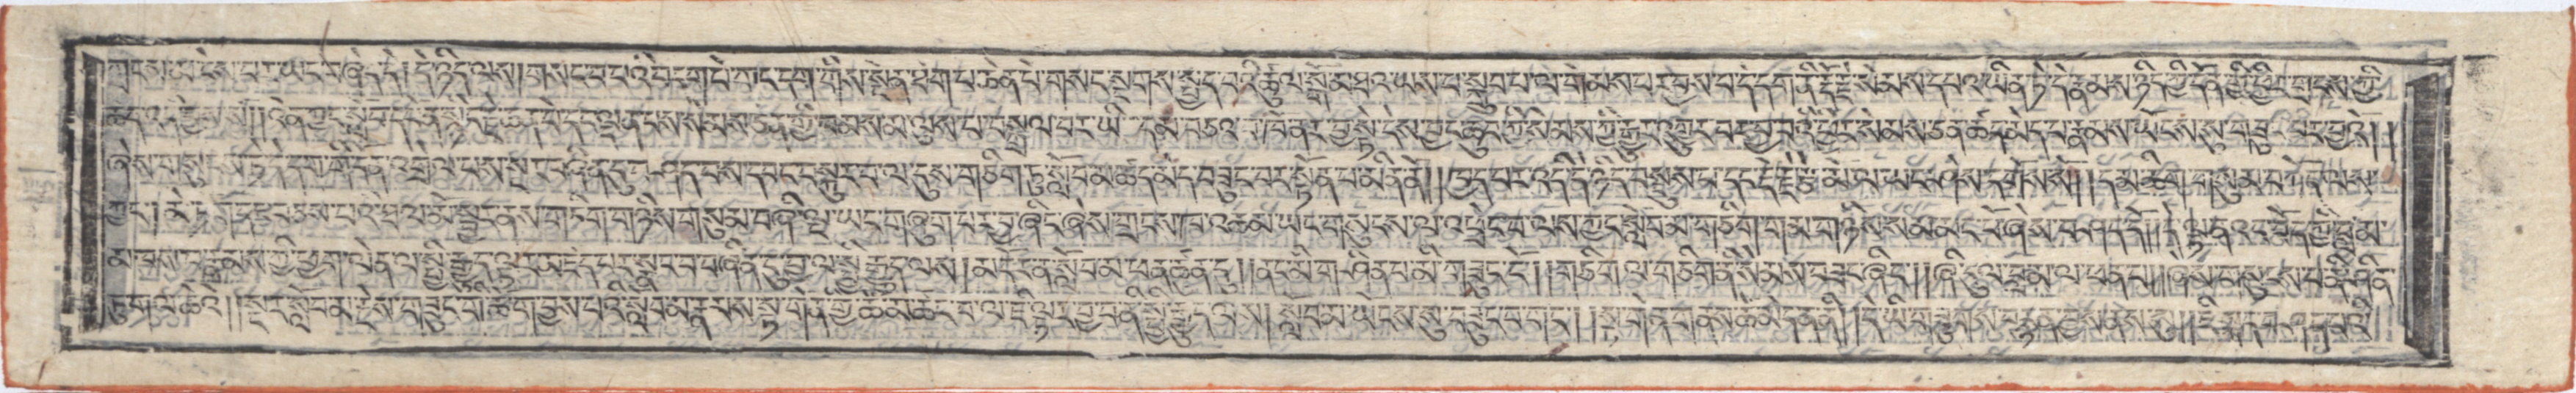གྲངས་མ་ངེས་པར་ཡང་བཞེད་དེ། དེ་ཉིད་ལས། གསང་བ་པའི་བདག་པོ་གང་དག་གིས་སྔོན་ཐེག་པ་ཆེན་པོ་གསང་སྔགས་སྤྱད་པའི་ཚུལ་སྒོ་མཐའ་ཡས་པ་སྒྲུབ་པ་ལ་གོམས་པར་བྱས་པ་དེ་དག་ནི་རྡོ་རྗེ་སེམས་དཔའ་ཡིན་ཏེ་དེ་རྣམས་ཉིད་ཀྱི་དོན་གྱི་ཕྱིར་གྲངས་ཀྱི་
ཚད་འདི་བྱས་སོ། །འོན་ཀྱང་སློབ་དཔོན་སྙིང་རྗེ་ཆེན་པོ་དང་ལྡན་པས་སེམས་ཅན་གྱི་ཁམས་མ་ལུས་པ་བསྒྲལ་བར་ཡི་དམ་བཅའ་བ་ཁོ་ནར་བྱ་སྟེ་དེས་བྱང་ཆུབ་ཀྱི་སེམས་ཀྱི་རྒྱུར་འགྱུར་བར་བྱ་བའི་ཕྱིར་སེམས་ཅན་ཚད་མེད་པ་རྣམས་ཡོངས་སུ་གཟུང་པར་བྱའོ། །
ཞེས་གསུངས་ཏེ་དེ་དག་གི་དོན་འགྲེལ་པས་སྔར་བཞིན་དུ་བཤད་པས་དབང་བསྐུར་བ་ལ་དུས་གཅིག་ཏུ་སློབ་མ་ཚད་མེད་བཟུང་བར་སྟོན་པ་མིན་ནོ། །ཁྱད་པར་འདི་དེ་ཉིད་བསྡུས་པ་དང་རྡོ་རྗེ་རྩེ་མོ་ལ་ཡང་ཤེས་དགོས་སོ། །དམ་ཚིག་གསུམ་བཀོད་ལས་
ཀྱང་། མེ་ཏོག་དང་བཅས་པའི་ཐལ་མོ་སྦྱར་ནས་གཅིག་གཉིས་གསུམ་བཞི་ལྔ་ཡང་གཞུག་པར་བྱ་ཞིང་ཞེས་གྲངས་ཁ་འཆེམ་ཡང་གསུངས་ལ་འཕྲེང་བ་ལས་ཀྱང་སློབ་མ་གཅིག་གམ་གཉིས་སམ་མང་པོ་ཞེས་བཤད་དོ། །དེ་ལྟ་ནའང་བོད་ཀྱི་བླ་མ་
མཁས་པ་རྣམས་ཀྱི་ཕྱག་ལེན་ལ་སྤྱི་རྒྱུད་ལྟར་མཛད་པར་སྣང་བ་བཞིན་དུ་བྱ་ལ་སྤྱི་རྒྱུད་ལས། མདོར་ན་སློབ་མ་ཕན་ཚུན་དུ། །ནང་མི་གཤིན་པ་མི་གཟུང་ངོ། །གཅིག་ལ་གཅིག་ནི་སེམས་བཟང་ཞིང་། །ཞི་དུལ་བླ་མ་ལ་ཕན་པ། །ཞེས་གསུངས་པ་ནི་ཤིན་
ཏུ་གལ་ཆེའོ། །སྔར་སློབ་མ་རྗེས་གཟུང་གི་ཆོ་ག་བྱས་པའི་སློབ་མ་རྣམས་སྟ་གོན་གྱི་ཚེ་མ་ཚང་བ་ལ་ཇི་ལྟར་བྱ་བ་ནི་སྤྱི་རྒྱུད་ལས། སློབ་མ་ཡོངས་སུ་བཟུང་བ་གང་། །སྟ་གོན་གནས་ཚེ་མེད་ན་ནི། །དེ་ཡི་གཟུགས་བརྙན་བྱས་ནས་སུ། །ཇི་སྐད་བཤད་པའི་